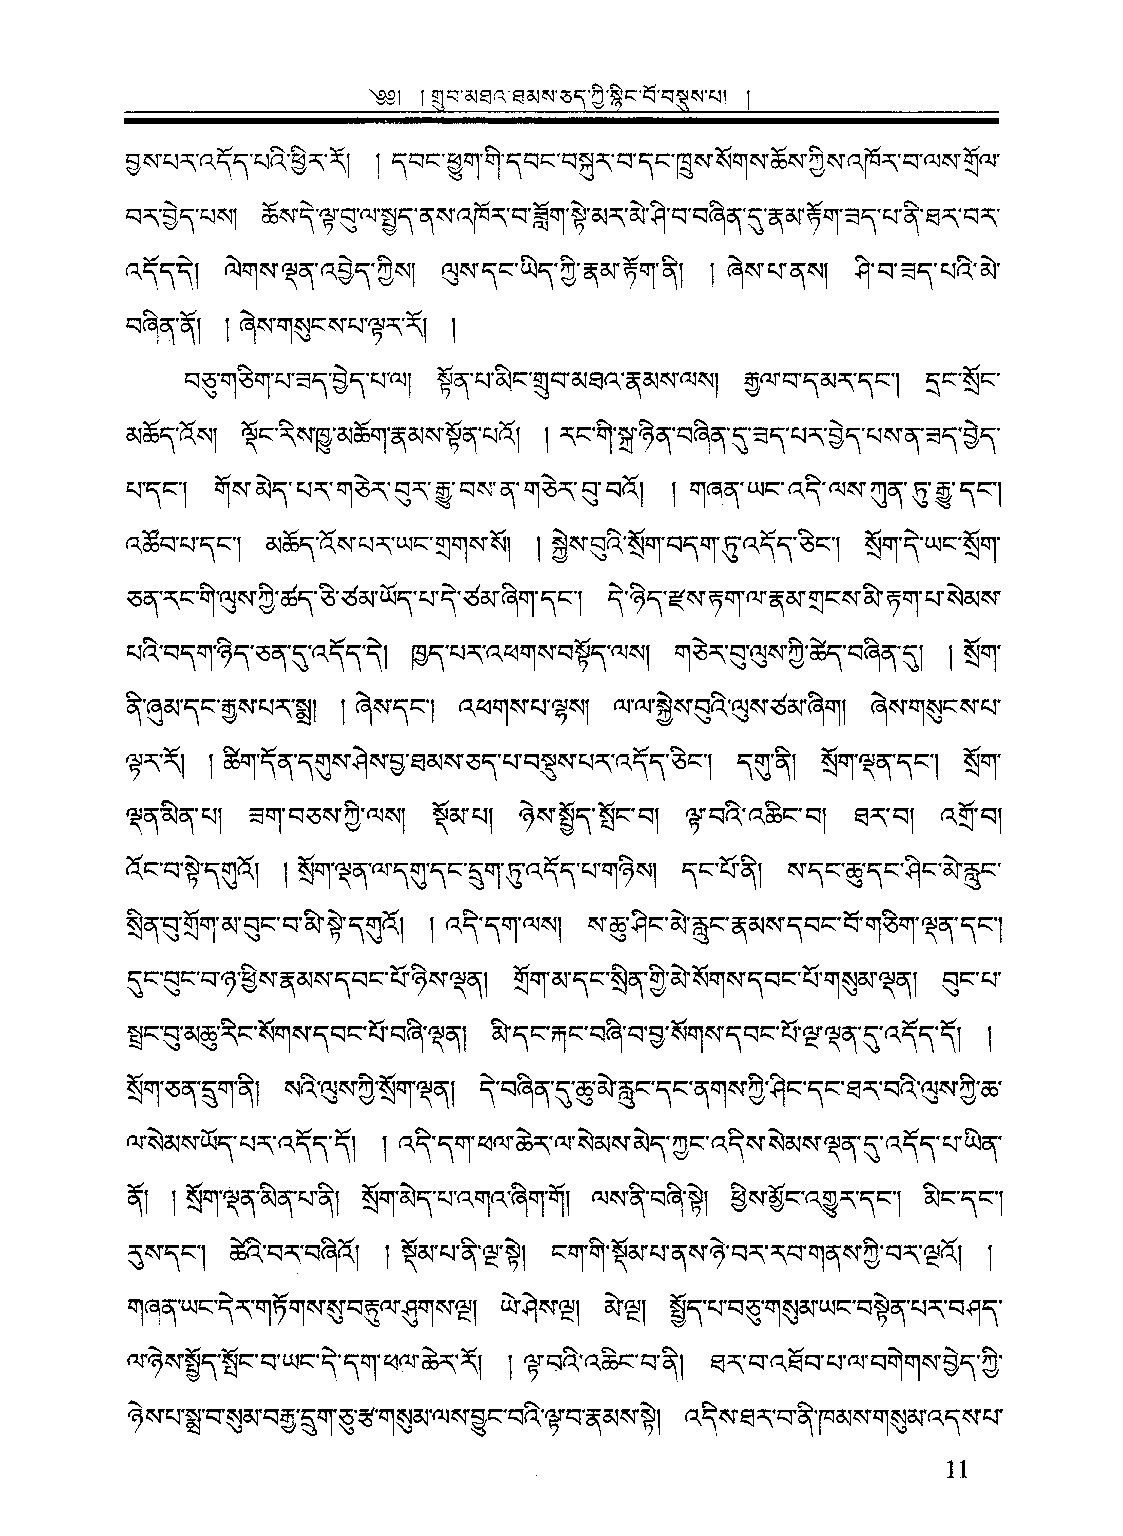བྱས་པར་འདོད་པའི་ཕྱིར་རོ། །དབང་ཕྱུག་གི་དབང་བསྐུར་བ་དང་ཁྲུས་སོགས་ཆོས་ཀྱིས་འཁོར་བ་ལས་གྲོལ་
བར་བྱེད་པས། ཆོས་དེ་ལྟ་བུ་ལ་སྤྱད་ནས་འཁོར་བ་ཟློག་སྟེ་མར་མེ་ཤི་བ་བཞིན་དུ་རྣམ་རྟོག་ཟད་པ་ནི་ཐར་བར་
འདོད་དེ། ལེགས་ལྡན་འབྱེད་ཀྱིས། ལུས་དང་ཡིད་ཀྱི་རྣམ་རྟོག་ནི། །ཞེས་པ་ནས། ཤི་བ་ཟད་པའི་མེ་
བཞིན་ནོ། །ཞེས་གསུངས་པ་ལྟར་རོ། །
བཅུ་གཅིག་པ་ཟད་བྱེད་པ་ལ། སྟོན་པ་མིང་གྲུབ་མཐའ་རྣམས་ལས། རྒྱལ་བ་དམར་དང་། དྲང་སྲོང་
མཆོད་འོས། ལྡོང་རིས་ཁྱུ་མཆོག་རྣམས་སྟོན་པའོ། །རང་གི་སྐྲ་ཉིན་བཞིན་དུ་ཟད་པར་བྱེད་པས་ན་ཟད་བྱེད་
པ་དང་། གོས་མེད་པར་གཅེར་བུར་རྒྱུ་བས་ན་གཅེར་བུ་བའོ། །གཞན་ཡང་འདི་ལས་ཀུན་ཏུ་རྒྱུ་དང་།
འཚོབ་པ་དང་། མཆོད་འོས་པར་ཡང་གྲགས་སོ། །སྐྱེས་བུའི་སྲོག་བདག་ཏུ་འདོད་ཅིང་། སྲོག་དེ་ཡང་སྲོག་
ཅན་རང་གི་ལུས་ཀྱི་ཚད་ཅི་ཙམ་ཡོད་པ་དེ་ཙམ་ཞིག་དང་། དེ་ཉིད་རྫས་རྟག་ལ་རྣམ་གྲངས་མི་རྟག་པ་སེམས་
པའི་བདག་ཉིད་ཅན་དུ་འདོད་དེ། ཁྱད་པར་འཕགས་བསྟོད་ལས། གཅེར་བུ་ལུས་ཀྱི་ཚེད་བཞིན་དུ། །སྲོག་
ནི་ཞུམ་དང་རྒྱས་པར་སྨྲ། །ཞེས་དང་། འཕགས་པ་ལྷས། ལ་ལ་སྐྱེས་བུའི་ལུས་ཙམ་ཞིག། ཞེས་གསུངས་པ་
ལྟར་རོ། །ཚིག་དོན་དགུས་ཤེས་བྱ་ཐམས་ཅད་པ་བསྡུས་པར་འདོད་ཅིང་། དགུ་ནི། སྲོག་ལྡན་དང་། སྲོག་
ལྡན་མིན་པ། ཟག་བཅས་ཀྱི་ལས། སྡོམ་པ། ཉེས་སྤྱོད་སྤོང་བ། ལྟ་བའི་འཆིང་བ། ཐར་བ། འགྲོ་བ།
འོང་བ་སྟེ་དགུའོ། །སྲོག་ལྡན་ལ་དགུ་དང་དྲུག་ཏུ་འདོད་པ་གཉིས། དང་པོ་ནི། ས་དང་ཆུ་དང་ཤིང་མེ་རླུང་
སྲིན་བུ་གྲོག་མ་བུང་བ་མི་སྟེ་དགུའོ། །འདི་དག་ལས། ས་ཆུ་ཤིང་མེ་རླུང་རྣམས་དབང་བོ་གཅིག་ལྡན་དང་།
དུང་བུང་བ་ཉ་ཕྱིས་རྣམས་དབང་པོ་ཉིས་ལྡན། གྲོག་མ་དང་སྲིན་གྱི་མེ་སོགས་དབང་པོ་གསུམ་ལྡན། བུང་པ་
སྤྲང་བུ་མཆུ་རིང་སོགས་དབང་པོ་བཞི་ལྡན། མི་དང་རྐང་བཞི་བ་བྱ་སོགས་དབང་པོ་ལྔ་ལྡན་དུ་འདོད་དོ། །
སྲོག་ཅན་དྲུག་ནི། སའི་ལུས་ཀྱི་སྲོག་ལྡན། དེ་བཞིན་དུ་ཆུ་མེ་རླུང་དང་ནགས་ཀྱི་ཤིང་དང་ཐར་བའི་ལུས་ཀྱི་ཆ་
ལ་སེམས་ཡོད་པར་འདོད་དོ། །འདི་དག་ཕལ་ཆེར་ལ་སེམས་མེད་ཀྱང་འདིས་སེམས་ལྡན་དུ་འདོད་པ་ཡིན་
ནོ། །སྲོག་ལྡན་མིན་པ་ནི། སྲོག་མེད་པ་འགའ་ཞིག་གོ། ལས་ནི་བཞི་སྟེ། ཕྱིས་མྱོང་འགྱུར་དང་། མིང་དང་།
རུས་དང་། ཚེའི་བར་བཞིའོ། །སྡོམ་པ་ནི་ལྔ་སྟེ། ངག་གི་སྡོམ་པ་ནས་ཉེ་བར་རབ་གནས་ཀྱི་བར་ལྔའོ། །
གཞན་ཡང་དེར་གཏོགས་སུ་བརྟུལ་ཤུགས་ལྔ། ཡེ་ཤེས་ལྔ། མེ་ལྔ། སྤྱོད་པ་བཅུ་གསུམ་ཡང་བསྟེན་པར་བཤད་
ལ་ཉེས་སྤྱོད་སྤོང་བ་ཡང་དེ་དག་ཕལ་ཆེར་རོ། །ལྟ་བའི་འཆིང་བ་ནི། ཐར་བ་འཐོབ་པ་ལ་བགེགས་བྱེད་ཀྱི་
ཉེས་པ་སྨྲ་བ་སུམ་བརྒྱ་དྲུག་ཅུ་རྩ་གསུམ་ལས་བྱུང་བའི་ལྟ་བ་རྣམས་སྟེ། འདིས་ཐར་བ་ནི་ཁམས་གསུམ་འདས་པ་